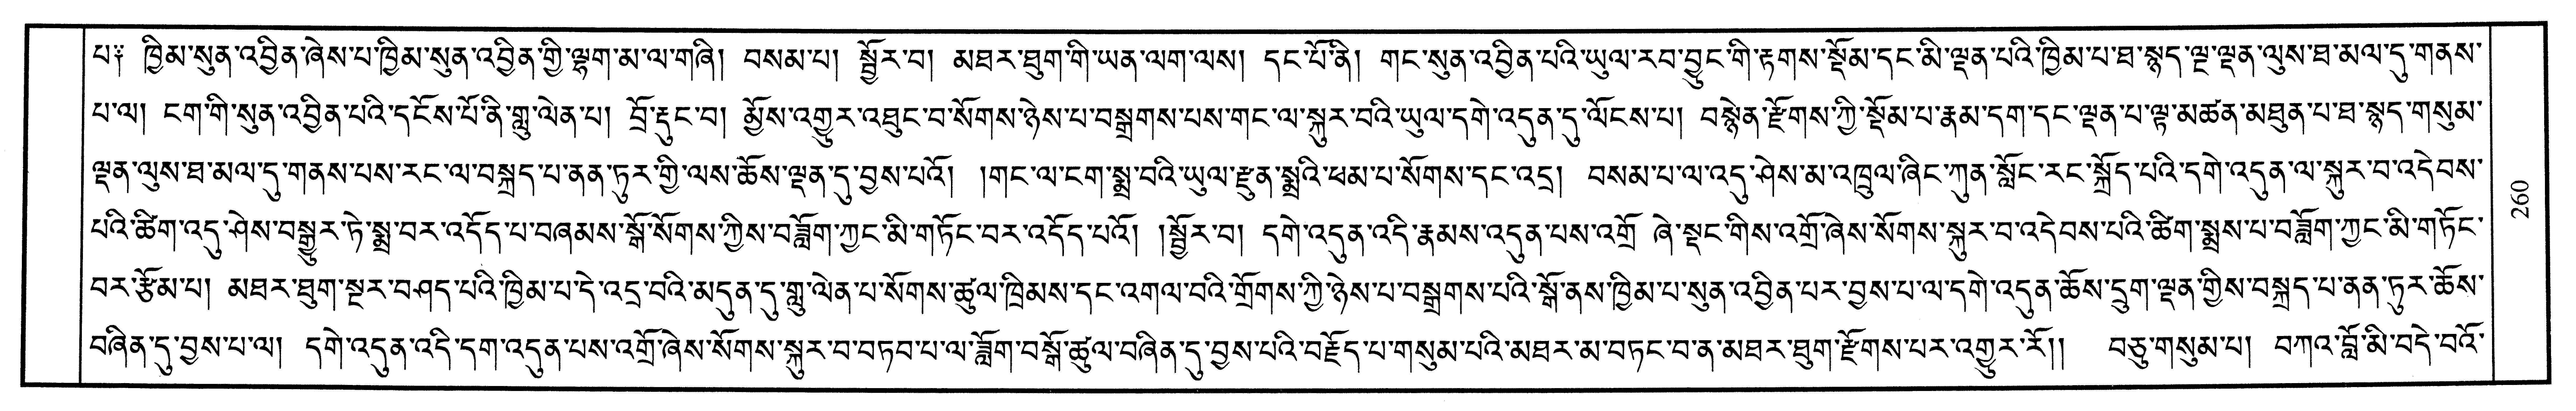པ༑ ཁྱིམ་སུན་འབྱིན་ཞེས་པ་ཁྱིམ་སུན་འབྱིན་གྱི་ལྷག་མ་ལ་གཞི། བསམ་པ། སྦྱོར་བ། མཐར་ཐུག་གི་ཡན་ལག་ལས། དང་པོ་ནི། གང་སུན་འབྱིན་པའི་ཡུལ་རབ་བྱུང་གི་རྟགས་སྡོམ་དང་མི་ལྡན་པའི་ཁྱིམ་པ་ཐ་སྙད་ལྔ་ལྡན་ལུས་ཐ་མལ་དུ་གནས་
པ་ལ། ངག་གི་སུན་འབྱིན་པའི་དངོས་པོ་ནི་གླུ་ལེན་པ། བྲོ་རྡུང་བ། མྱོས་འགྱུར་འཐུང་བ་སོགས་ཉེས་པ་བསྒྲགས་པས་གང་ལ་སྐུར་བའི་ཡུལ་དགེ་འདུན་དུ་ལོངས་པ། བསྙེན་རྫོགས་ཀྱི་སྡོམ་པ་རྣམ་དག་དང་ལྡན་པ་ལྟ་མཚན་མཐུན་པ་ཐ་སྙད་གསུམ་
ལྡན་ལུས་ཐ་མལ་དུ་གནས་པས་རང་ལ་བསྐྲད་པ་ནན་ཏུར་གྱི་ལས་ཆོས་ལྡན་དུ་བྱས་པའོ། །གང་ལ་ངག་སྨྲ་བའི་ཡུལ་རྫུན་སྨྲའི་ཕམ་པ་སོགས་དང་འདྲ། བསམ་པ་ལ་འདུ་ཤེས་མ་འཁྲུལ་ཞིང་ཀུན་སློང་རང་སྐྲོད་པའི་དགེ་འདུན་ལ་སྐུར་བ་འདེབས་
པའི་ཚིག་འདུ་ཤེས་བསྒྱུར་ཏེ་སྨྲ་བར་འདོད་པ་བཞམས་སྒོ་སོགས་ཀྱིས་བཟློག་ཀྱང་མི་གཏོང་བར་འདོད་པའོ། །སྦྱོར་བ། དགེ་འདུན་འདི་རྣམས་འདུན་པས་འགྲོ་ཞེས་སྡང་གིས་འགྲོ་ཞེས་སོགས་སྐུར་བ་འདེབས་པའི་ཚིག་སྨྲས་པ་བཟློག་ཀྱང་མི་གཏོང་
བར་རྩོམ་པ། མཐར་ཐུག་སྔར་བཤད་པའི་ཁྱིམ་པ་དེ་འདྲ་བའི་མདུན་དུ་གླུ་ལེན་པ་སོགས་ཚུལ་ཁྲིམས་དང་འགལ་བའི་གྲོགས་ཀྱི་ཉེས་པ་བསྒྲགས་པའི་སྒོ་ནས་ཁྱིམ་པ་སུན་འབྱིན་པར་བྱས་པ་ལ་དགེ་འདུན་ཆོས་དྲུག་ལྡན་གྱིས་བསྐྲད་པ་ནན་ཏུར་ཆོས་
བཞིན་དུ་བྱས་པ་ལ། དགེ་འདུན་འདི་དག་འདུན་པས་འགྲོ་ཞེས་སོགས་སྐུར་བ་བཏབ་པ་ལ་ཟློག་བསྒོ་ཚུལ་བཞིན་དུ་བྱས་པའི་བརྗོད་པ་གསུམ་པའི་མཐར་མ་བཏང་བ་ན་མཐར་ཐུག་རྫོགས་པར་འགྱུར་རོ།། བཅུ་གསུམ་པ། བཀའ་བློ་མི་བདེ་བའོ་